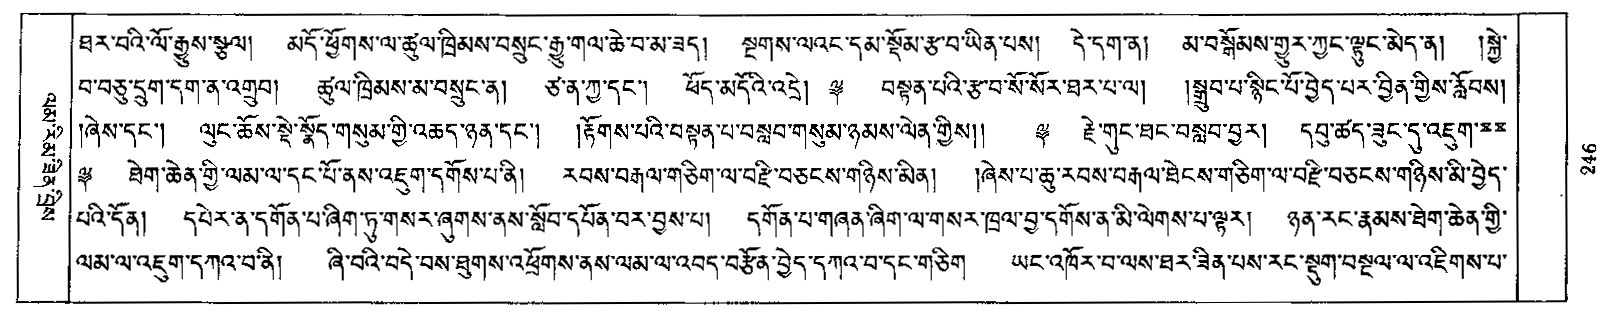ཐར་བའི་ལོ་རྒྱུས་སྩལ། མདོ་ཕྱོགས་ལ་ཚུལ་ཁྲིམས་བསྲུང་རྒྱུ་གལ་ཆེ་བ་མ་ཟད། སྔགས་ལའང་དམ་སྡོམ་རྩ་བ་ཡིན་པས། དེ་དག་ན། མ་བསྒོམས་གྱུར་ཀྱང་ལྟུང་མེད་ན། །སྐྱེ་
བ་བཅུ་དྲུག་དག་ན་འགྲུབ། ཚུལ་ཁྲིམས་མ་བསྲུང་ན། ཙ་ན་ཀྱ་དང་། ཕོད་མདོའི་འདྲེ། ༈ བསྟན་པའི་ཙ་བ་སོ་སོར་ཐར་པ་ལ། །སྒྲུབ་པ་སྙིང་པོ་བྱེད་པར་བྱིན་གྱིས་རློབས།
།ཞེས་དང་། ལུང་ཆོས་སྡེ་སྣོད་གསུམ་གྱི་འཆད་ཉན་དང་། །རྟོགས་པའི་བསྟན་པ་བསླབ་གསུམ་ཉམས་ལེན་གྱིས།། ༈ རྗེ་གུང་ཐང་བསླབ་བྱར། དབུ་ཚད་ཟུང་དུ་འཇུག་྾྾་
༈ ཐེག་ཆེན་གྱི་ལམ་ལ་དང་པོ་ནས་འཇུག་དགོས་པ་ནི། རབས་བརྒལ་གཅིག་ལ་བརྫི་བཅངས་གཉིས་མིན། །ཞེས་པ་ཆུ་རབས་བརྒལ་ཐེངས་གཅིག་ལ་བརྫི་བཅངས་གཉིས་མི་བྱེད་
པའི་དོན། དཔེར་ན་དགོན་པ་ཞིག་ཏུ་གསར་ཞུགས་ནས་སློབ་དཔོན་བར་བྱས་པ། དགོན་པ་གཞན་ཞིག་ལ་གསར་ཁྲལ་བྱ་དགོས་ན་མི་ལེགས་པ་ལྟར། ཉན་རང་རྣམས་ཐེག་ཆེན་གྱི་
ལམ་ལ་འཇུག་དཀའ་བ་ནི། ཞི་བའི་བདེ་བས་ཐུགས་འཕྲོགས་ནས་ལམ་ལ་འབད་བརྩོན་བྱེད་དཀའ་བ་དང་གཅིག་ཡང་འཁོར་བ་ལས་ཐར་ཟིན་པས་རང་སྡུག་བསྔལ་ལ་འཇིགས་པ་